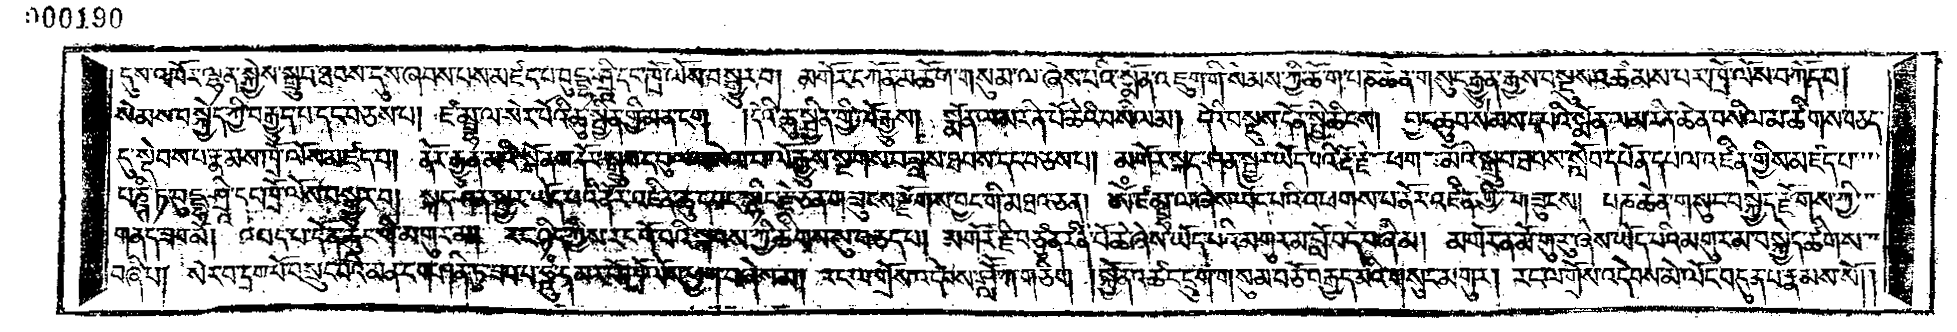དུས་འཁོར་ལྷན་སྐྱེས་སྒྲུབ་ཐབས་དུས་ཞབས་པས་མཛད་པ་བུདྡྷ་ཤྲཱི་དང་ཁྲོ་ལོས་བསྒྱུར་བ། མགོར་དཀོན་མཆོག་གསུམ་ལ་ཞེས་པའི་སྨོན་འཇུག་གི་སེམས་ཀྱི་ཆོ་ག་པཎ་ཆེན་གསུང་རྒྱུན་རྒྱས་བསྡུས་འཚིམས་པར་ཁྲོ་ལོས་བཀོད་པ།
སེམས་བསྐྱེད་ཀྱི་བརྒྱུད་པ་དང་བཅས་པ། ཛ་མྦྷ་ལ་སེར་པོའི་ཆུ་སྦྱིན་གྱི་མན་ངག །དེའི་ཆུ་སྦྱིན་གྱི་ལོ་རྒྱུས། སྨོན་ལམ་རིན་པོ་ཆེའི་བསིལ་མ། དེའི་བསྡུས་དོན་སྤྱི་ཆིངས། བྱང་ཆུབ་སེམས་དཔའི་སྨོན་ལམ་རིན་ཆེན་བསིལ་མ་ཚིགས་བཅད་
དུ་སྡེབས་པ་རྣམས་ཁྲོ་ལོས་མཛད་པ། ནོར་རྒྱུན་མའི་སྒོ་ནས་ནོར་སྒྲུབ་དབུལ་བ་སེལ་བ་ལོ་རྒྱུས་སྔགས་བཟླས་ཐབས་དང་བཅས་པ། མགོར་སྐད་ཤན་སྦྱར་ཡོད་པའི་རྡོ་རྗེ་ཕང་མོའི་སྒྲུབ་ཐབས་སློབ་དཔོན་དཔལ་འཛིན་གྱིས་མཛད་པ་
པཎྚི་ཏ་བུདྡྷ་ཤྲཱི་དང་ཁྲོ་ལོས་བསྒྱུར་བ། སྐད་ཤན་སྦྱར་ཡོད་པའི་ནོར་འཛིན་ཆུ་དབང་སྙིང་རྗེ་ཅན་གཟུངས་རྫོགས་བྱང་གི་མཐའ་ཅན། ཨོཾ་ཛམྦྷ་ལ་ཞེས་ཡོད་པའི་འཕགས་པ་ནོར་འཛིན་གྱི་གཟུངས། པཎ་ཆེན་གསུང་བསྐྱེད་རྫོགས་ཀྱི་
གནད་ཟབ་མོ། འབད་པ་དོན་ཆུང་གི་མགུར་མ། རང་ཉིད་ཀྱིས་རང་གོ་བའི་སྐབས་ཀྱི་ཚིགས་སུ་བཅད་པ། མགོར་རྗེ་བཙུན་རིན་པོ་ཆེ་ཞེས་ཡོད་པའི་མགུར་མ་བློ་བདེ་བཞི་མ། མགོར་ན་མོ་གུ་རུ་ཞེས་ཡོད་པའི་མགུར་མ་བསྐྱེད་ཚིགས་
བཞི་པ། སེར་བ་དྲག་པོ་བསྲུང་བའི་མན་ངག་ཤིན་ཏུ་ཟབ་པ་ཧཱུཾ་དམར་པོ་ཁྲོ་ལོས་ཕྱག་བཞེས་མ། རང་ལ་གྲོས་འདེབས་ཤླཽ་ཀ་གཅིག །སྐྱོན་འཚང་དྲུག་གསུམ་བཅོ་བརྒྱད་མའི་གསུང་མགུར། རང་ལ་གྲོས་འདེབས་མེ་ལོང་བདུན་པ་རྣམས་སོ། །